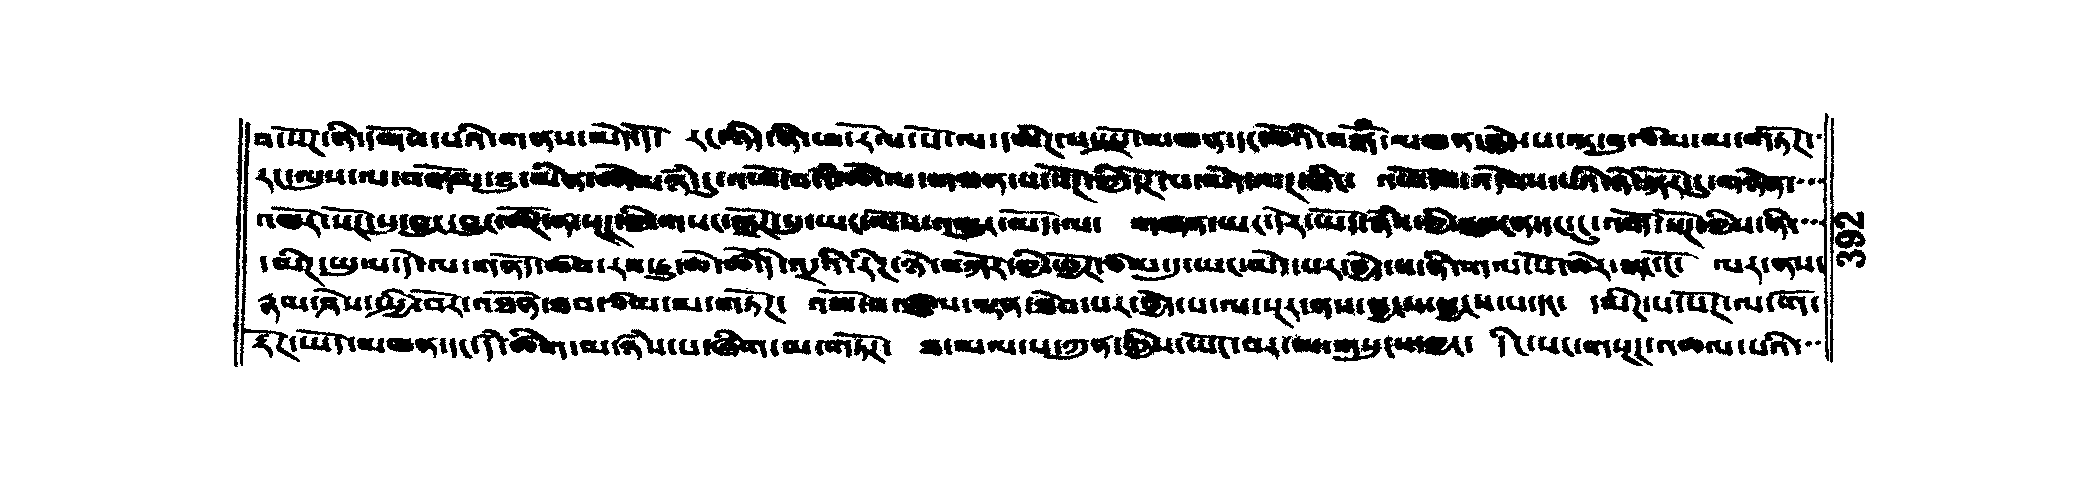བ་སོགས་ནི་དགོས་པའི་གནས་མེད་དོ། རང་ཉིད་ནི་ཕ་རོལ་པོ་ལ་དམིགས་པ་སྤྲོད་མཁན་དང་བསྒོམ་མཁན་བྱེད་པ་ལྟ་བུ་ཙམ་མ་གཏོགས་
རང་ལུས་ལ་བསྒོམ་རྒྱུ་མིན་ཚེ་མཉམ་དུ་འཕོ་བའམ་ཚེ་ལ་གཟན་པ་སོགས་ཀྱི་དོགས་པ་མེད་ལགས་ཤིང་། འཕོ་བ་འདེབས་པའི་ཉེ་སྐོར་དུ་གཉེན་
འཁོར་སོགས་སུ་བྱུང་བྱུང་ཚོགས་ན་སྔགས་ཀྱི་གསང་སྒྲོགས་སུ་ཡང་ལོས་འགྱུར་མོད་ལ། གཞན་ཡང་དེར་ཡོད་རྣམས་ཀྱི་མྱ་ངན་དང་ངུ་འབོད་སོགས་ཀྱིས་ནི་
དམིགས་ཡུལ་དེ་ལ་གནོད་ཚབས་རབ་ཏུ་ཆེ་ཚེ་དེ་འདྲའི་རིགས་ཉེ་བསྐོར་གྱི་ཕྱོགས་ཙམ་དུ་ཡང་མེད་པར་བྱེད་པ་ནི་གལ་པོ་ཆེར་སྣང་ངོ་། ལར་ནས་
རྣམ་ཤེས་སྤྱི་བོར་འཐོན་ཐབས་ཙམ་མ་གཏོགས། འཕོ་བ་ཚུལ་ལྡན་ཐེབས་པར་བྱེད་པ་ལ་སྔར་ནས་སྦྱངས་སྦྱངས་པ་དང་། དམིགས་པ་སོགས་ལ་གོ་
རྟོགས་ཡོད་མཁན་དང་དམ་ཚིག་མ་ཉམས་པ་ཞིག་མ་གཏོགས།ཐ་མལ་པ་ཀུན་གྱིས་ཡོང་བར་མ་གསུངས་ཀྱང་། དིང་སང་གསང་སྔགས་འཆལ་པའི་